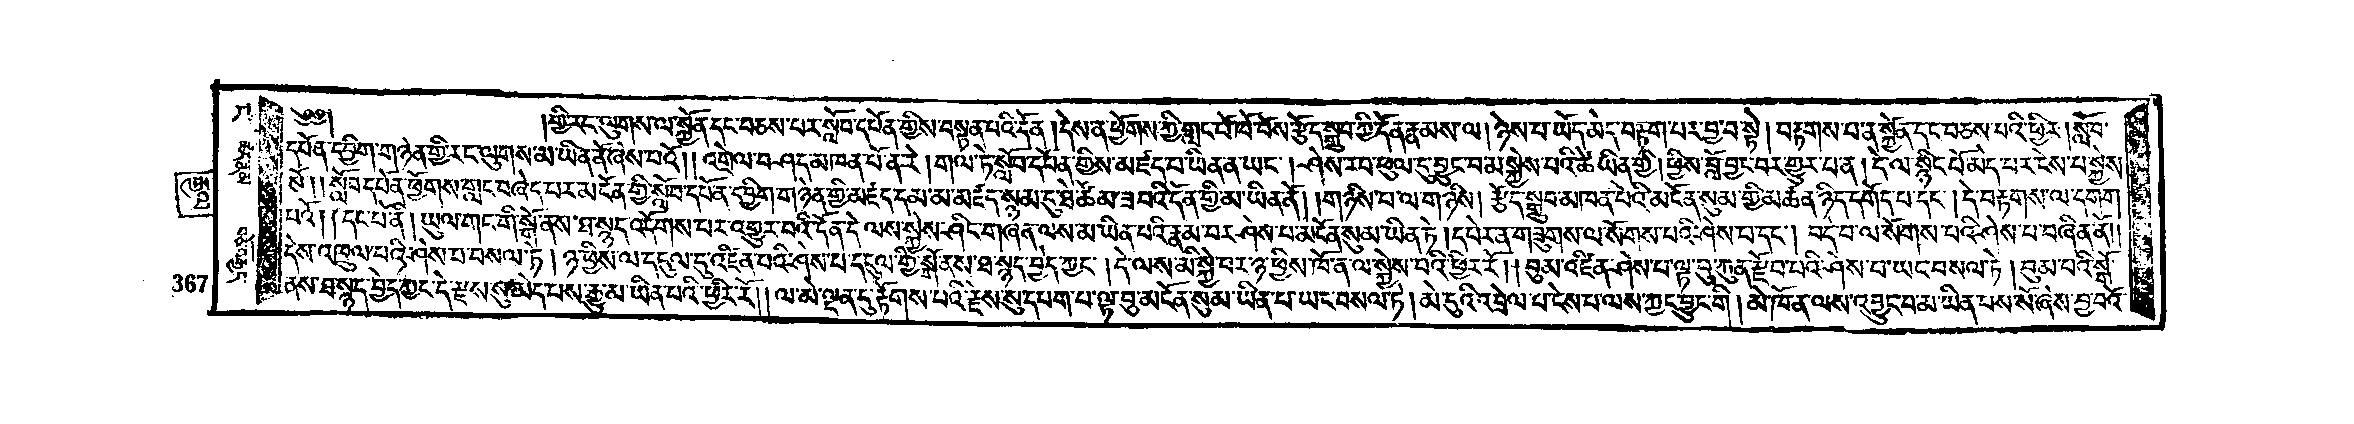༄༅། །གྱི་རང་ལུགས་ལ་སྐྱོན་དང་བཅས་པར་སློབ་དཔོན་གྱིས་བསྟན་པའི་དོན། དེས་ན་ཕྱོགས་ཀྱི་གླང་པོ་ཁོ་བོས་རྩོད་སྒྲུབ་ཀྱི་དོན་རྣམས་ལ། ཉེས་པ་ཡོད་མེད་བརྟག་པར་བྱ་བ་སྟེ། བརྟགས་པ་ན་སྐྱོན་དང་བཅས་པའི་ཕྱིར། སློབ་
དཔོན་དབྱིག་གཉེན་གྱི་རང་ལུགས་མ་ཡིན་ནོ་ཞེས་པའོ། །འགྲེལ་བཤད་མཁན་པོ་ན་རེ། གལ་ཏེ་སློབ་དཔོན་གྱིས་མཛད་པ་ཡིན་ན་ཡང་། ཤེས་རབ་ཕུལ་དུ་བྱུང་བ་མ་སྐྱེས་པའི་ཚེ་ཡིན་གྱི། ཕྱིས་བློ་བྱང་བར་གྱུར་པ་ན། དེ་ལ་སྙིང་པོ་མེད་པར་ངེས་པ་སྐྱེས་
སོ། །སློབ་དཔོན་ཕྱོགས་གླང་བཞེད་པར་མངོན་གྱི་སློབ་དཔོན་དབྱིག་གཉེན་གྱི་མཛད་དམ་མ་མཛད་སྙམ་དུ་ཐེ་ཚོམ་ཟ་བའི་དོན་གྱི་མ་ཡིན་ནོ། །གཉིས་པ་ལ་གཉིས། རྩོད་སྒྲུབ་མཁན་པོའི་མངོན་སུམ་གྱི་མཚན་ཉིད་དགོད་པ་དང་། དེ་བརྟགས་ལ་དགག་
པའོ། །དང་པོ་ཡུལ་གང་གི་སྒོ་ནས་ཧ་སྙད་འདོགས་པར་འགྱུར་བའི་དོན་དེ་ལས་སྐྱེས་ཤིང་གཞན་ལས་མ་ཡིན་པའི་རྣམ་པར་ཤེས་པ་མངོན་སུམ་ཡིན་ཏེ། དཔེར་ན་གཟུགས་ལ་སོགས་པའི་ཤེས་པ་དང་། བདེ་བ་ལ་སོགས་པའི་ཤེས་པ་བཞིན་ནོ། །
དེས་འཁྲུལ་པའི་ཤེས་པ་བསལ་ཏེ། ཉ་ཕྱིས་ལ་དངུལ་དུ་འཛིན་པའི་ཤེས་པ་དངུལ་གྱི་སྒོ་ནས་ཐ་སྙད་བྱེད་ཀྱང་། དེ་ལས་མི་སྐྱེ་བར་ཉ་ཕྱིས་ཁོ་ན་ལ་སྐྱེས་པའི་ཕྱིར་རོ། །བུམ་འཛིན་ཤེས་པ་ལྟ་བུ་ཀུན་རྫོབ་པའི་ཤེས་པ་ཡང་བསལ་ཏེ། བུམ་པའི་སྒོ་
ནས་ཐ་སྙད་བྱེད་ཀྱང་དེ་རྫས་སུ་མེད་པས་རྒྱུ་མ་ཡིན་པའི་ཕྱིར་རོ། །ལ་མེ་ལྡན་དུ་རྟོགས་པའི་རྗེས་སུ་དཔག་པ་ལྟ་བུ་མངོན་སུམ་ཡིན་པ་ཡང་བསལ་ཏེ། མེ་དུའི་འགྲེལ་པ་ངེས་པ་ལས་ཀྱང་བྱུང་གི །མེ་ཁོ་ན་ལས་འབྱུང་བ་མ་ཡིན་པས་སོ་ཞེས་བྱ་བའོ། །